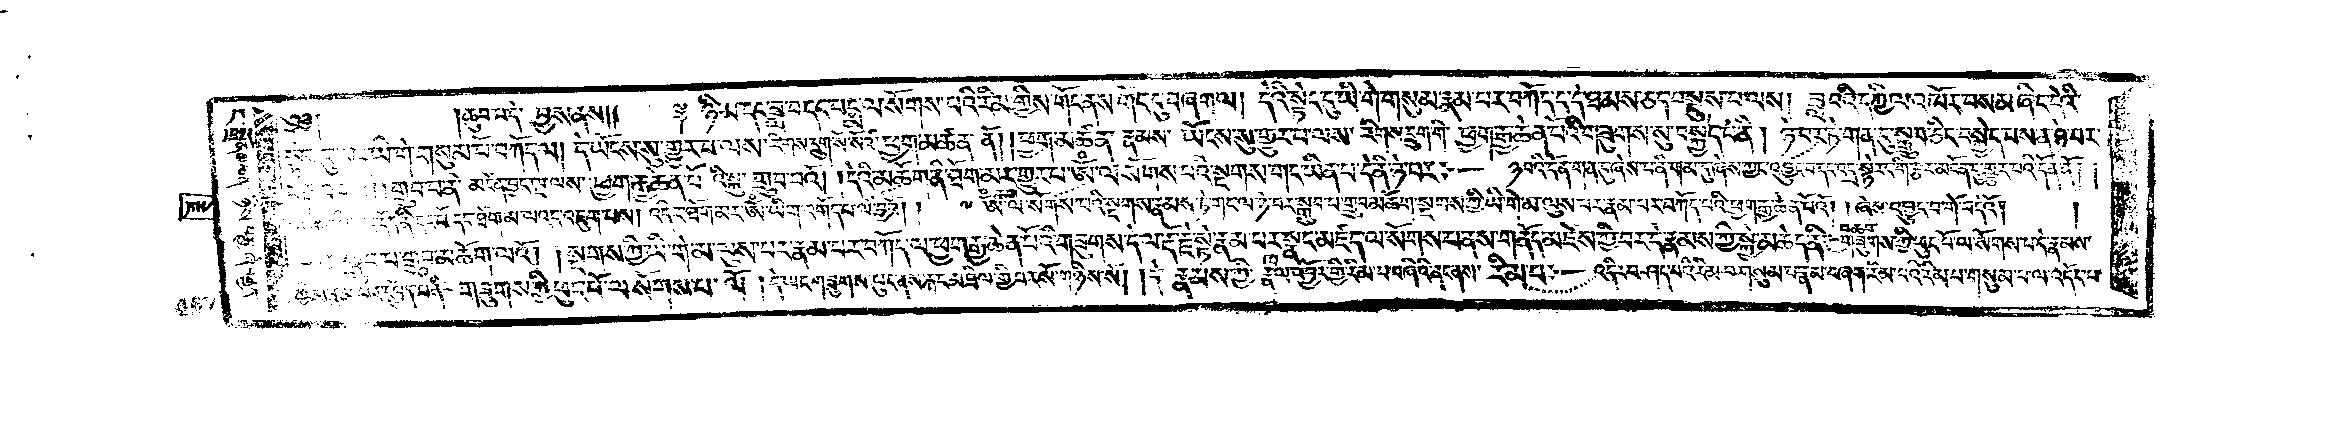༄༅། །ཆུབ་པ་དེ་བྱས་ནས།། ༈ ཉི་མ་དང་ཟླ་བ་དང་པདམ་ལ་སོགས་པའི་རིམ་གྱིས་གོང་ནས་གོང་དུ་བཞག་ལ། དེའི་སྟེང་དུ་ཡི་གེ་གསུམ་རྣམ་པར་བཀོད་དེ་དེ་ཐམས་ཅད་བསྡུས་པ་ལས། ཟླ་བའི་དཀྱིལ་འཁོར་བསམ་ཞིང་དེའི་
སྟེང་དུ་ཡང་ཡི་གེ་གསུམ་པོ་བཀོད་ལ། དེ་ཡོངས་སུ་གྱུར་པ་ལས་རིགས་དྲུག་སོ་སོའི་ཕྱག་མཚན་ནོ། །ཕྱག་མཚན་རྣམས་ཡོངས་སུ་གྱུར་པ་ལས་རིགས་དྲུག་གི་ཕྱག་རྒྱ་ཆེན་པོའི་གཟུགས་སུ་བསྐྱེད་པ་ནི། ཉེ་བར་ཏེ་གན་དུ་སྒྲུབ་ཅིང་བསྐྱེད་པས་ན་ཉེ་བར་
བསྒྲུབ་པའོ། །གྲུབ་པ་ནི་མངོན་བྱང་ལྔ་ལས་ཕྱག་རྒྱ་ཆེན་པོའི་སྐུ་གྲུབ་པའོ། །དེའི་མཆོག་ནི་ཐོག་མར་གྱུར་པ་ཨོཾ་ལ་སོགས་པའི་སྔགས་གང་ཡིན་པ་དེ་ནི་ཉེ་བརཿ་ཉ་བའི་དོན་གན་དུ་ཞེས་པ་ནི་གམ་དུ་ཞེས་ཀྱང་འབྱུང་བ་དང་འདྲ་སྟེ་རང་གི་རྩར་མངོན་དུ་གྱུར་པའི་དོན་ནོ། །
༧་མཆོག་གི་སྐད་དོད་ནི་དང་པོ་དང་ཐོག་མ་ལའང་འཇུག་པས། འདིར་ཐོག་མར་ཨོཾ་ཡིག་འགོད་པ་ལ་བྱའོ། །༧ཨོཾ་ཆག་ལ་སོགས་པའི་སྔགས་རྣམས་ཏེ་གང་ལ་ཉེ་བར་སྒྲུབ་པ་གྲུབ་མཆོག་སྔགས་ཀྱི་ཡི་གེ་མ་ལུས་པར་རྣམ་པར་བཀོད་པའི་ཕྱག་རྒྱ་ཆེན་པོའོ། །ཞེས་འབྱུང་བ་གོ་བདེའོ། །
.H སྒྲུབ་པ་གྲུབ་མཆོག་ལའོ། །སྔགས་ཀྱི་ཡི་གེ་མ་ལུས་པར་རྣམ་པར་བཀོད་ལ་ཕྱག་རྒྱ་ཆེན་པོའི་གཟུགས་དེ་ལ་རྡོ་རྗེ་སྟེ་རྣམ་པར་སྣང་མཛད་ལ་སོགས་པ་ནས་གནོད་མཛེས་ཀྱི་བར་དེ་རྣམས་ཀྱི་སྐྱེ་མཆེད་ནི་པ་ཚབ་གཟུགས་ཀྱི་ཕུང་པོ་ལ་སོགས་པ་དེ་རྣམས་
ཀྱིས་རྣམ་པར་དཔྱོད་པ་ནི་གཟུགས་ཀྱི་ཕུང་པོ་ལ་སོགས་པའོ། ། དེ་ཡང་གཟུགས་ཕུང་ནས་རྐང་མཐིལ་གྱི་བར་སོ་གཉིས་སོ། །དེ་རྣམས་ཀྱི་ཁ་རྣལ་འབྱོར་གྱི་རིམ་པ་བཞིའི་ནང་ནས་རིམ་པཿ་འདིར་བཤད་པའི་རིམ་པ་གསུམ་པ་རྣམ་བཞག་རིམ་པའི་རིམ་པ་གསུམ་པ་ལ་འདོད་པ་